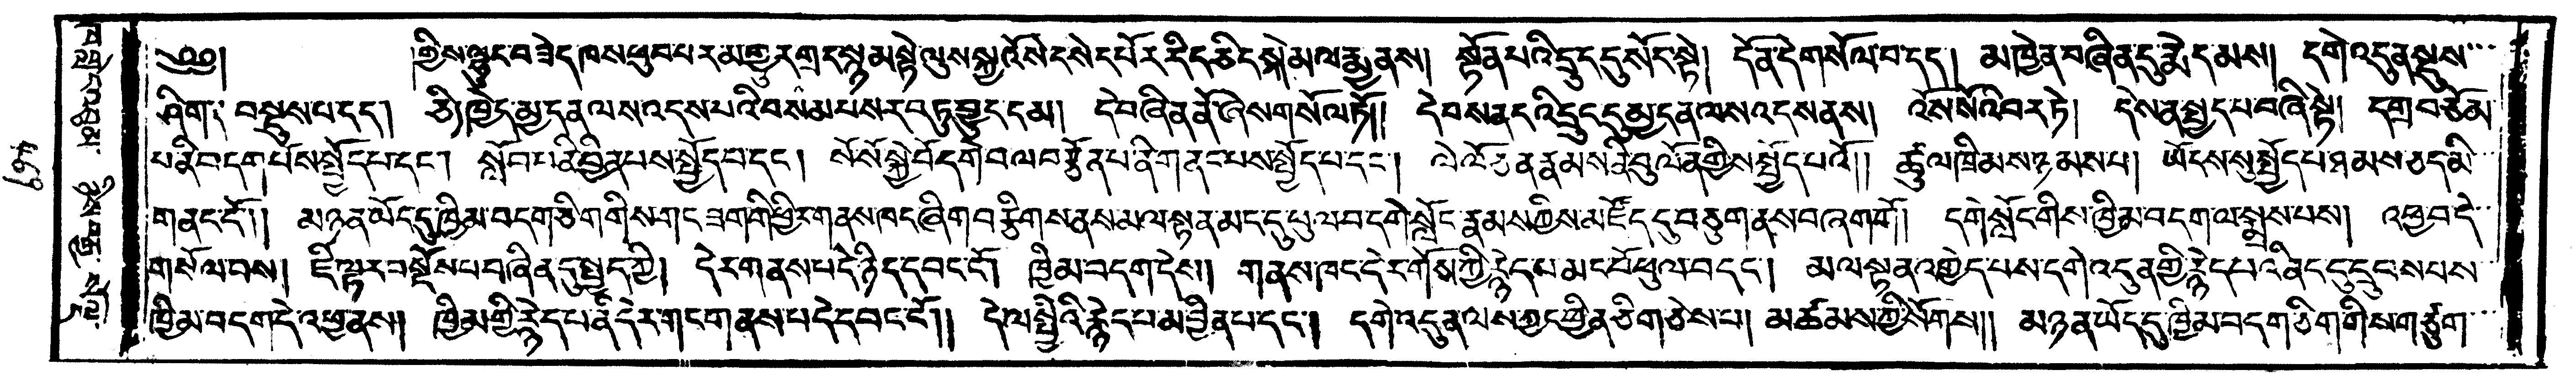༄༅། །གྱིས་ལྷུང་བཟེད་ཁས་ཕུབ་པར་མ་གྱུར་གྲང་སྙམ་སྟེ་ལུས་སྐྱའོ་སེང་སེང་པོར་རིང་ཅིང་སྐེམ་ལ་རྨྱ་ནས། སྟོན་པའི་དྲུང་དུ་སོང་སྟེ། དོན་དེ་གསོལ་བ་དད། མཁྱེན་བཞིན་དུ་རྨེད་མས། དགེ་འདུན་སྔས་
ཤིག༑ བསྡུས་པ་དང་། ཅི༑ ཁྱེད་མྱ་ངན་ལས་འདས་པའི་བསམ་པས་རབ་ཏུ་བྱུང་ངམ། དེ་བཞིན་ནོ་ཞེས་གསོལ་ཏོ།། དེ་བས?་ན?་ངའི?་དྲུང་དུ་མྱ་ངན་ལས་འདས་ནས། འོས་སོའི་བར་ཏེ། དེས་ན་སྤྱད་པ་བཞི་སྟེ། དགྲ་བཅོམ་
པ་ནི་བདག་པོས་སྤྱོད་པ་དང་། སློབ་པ་ནི་བྱིན་པས་སྤྱོད་པ་དང་། སོ་སོ་སྐྱེ་བོ་དགེ་བ་ལ་བརྩོན་པ་ནི་གནང་པས་སྤྱོད་པ་དང་། ལེ་ལོ་ཅན་རྣམས་ནི་བུ་ལོན་གྱིས་སྤྱོད་པའོ།། ཚུལ་ཁྲིམས་ཉམས་པ། ཡོངས་སུ་སྤྱོད་པ་ཐམས་ཅད་མི་
གནང་ངོ།། མཉན་ཡོང་དུ་ཁྱིམ་བདག་ཅིག་གིས་གང་ཟག་གི་ཕྱིར་གནས་ཁང་ཞིག་བརྩིགས་ནས་མལ་སྟན་མང་དུ་ཕུལ་བ་དགེ་སློང་རྣམས་ཀྱིས་མཛོད་དུ་བཅུག་ནས་བཞག་གོ། དགེ་སློང་གིས་ཁྱིམ་བདག་ལ་སྨྲས་པས། འཕྱ་བ་དེ་
གསོལ་བས། ཇི་ལྟར་བསྔོས་པ་བཞིན་དུ་སྤྱད་ཀྱི། དེར་གནས་པ་དེ་ཉིད་དབང་ངོ། ཁྱིམ་བདག་དེས། གནས་ཁང་དེར་གོས་ཀྱི་རྙེད་པ་མང་པོ་ཕུལ་བ་དང་། མལ་སྟན་འགྱེད་པས་དགེ་འདུན་གྱི་རྙེད་པའི་ནང་དུ་དྲུབས་པས་
ཁྱིམ་བདག་དེ་འཕྱ་ནས། ཁྱིམ་གྱི་རྙེད་པ་ནི་དེར་གང་གནས་པ་དེ་དབང་ངོ།། དེ་ལ་སྤྱིའི་རྙེད་པ་མ་བྱིན་པ་དང་། དགེ་འདུན་ལས་ཀྱང་ཕྱིན་ཅིག་ཅེས་པ། མཚམས་ཀྱི་སོགས།། མཉན་ཡོད་དུ་ཁྱིམ་བདག་ཅིག་གིས་གཙུག་